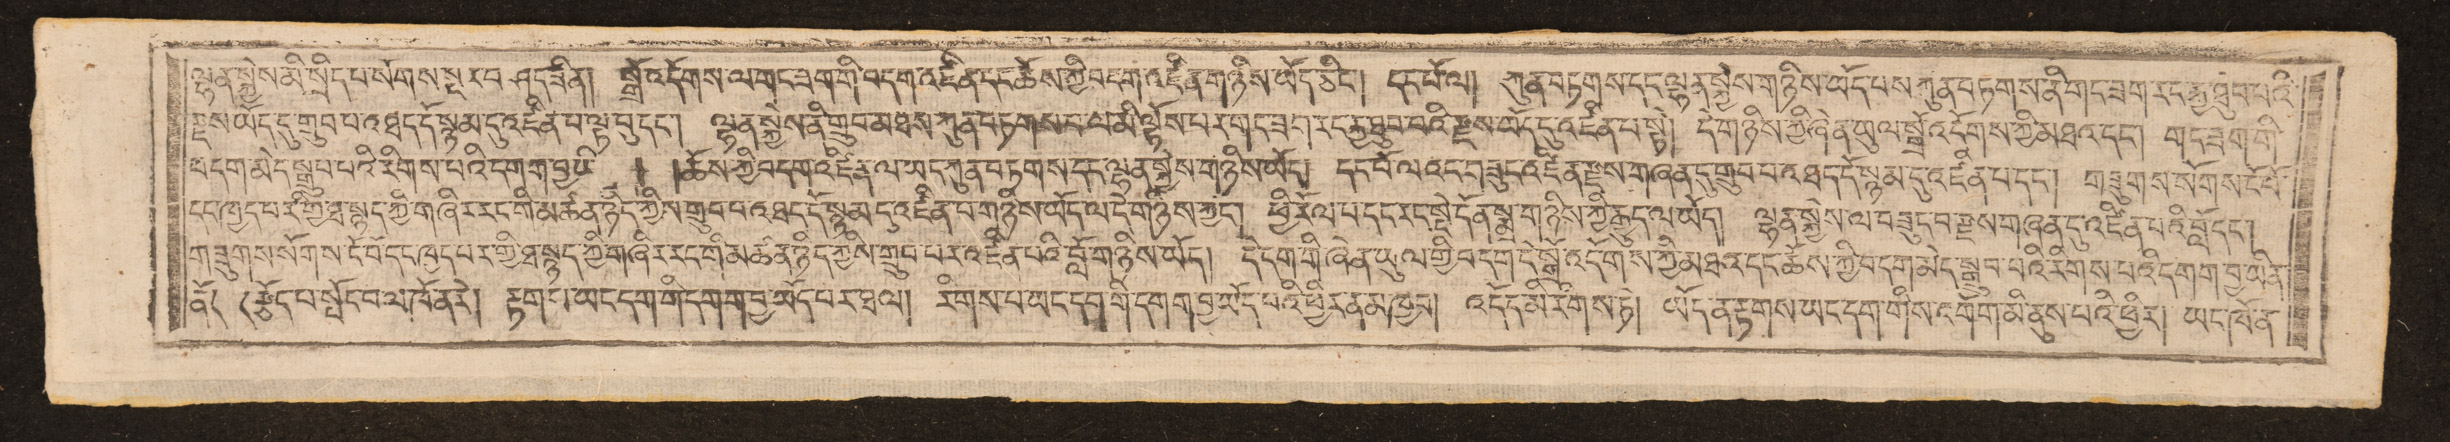ལྷན་སྐྱེས་མི་སྲིད་པ་སོགས་སྔར་བཤད་ཟིན། སྒྲོ་འདོགས་ལ་གང་ཟག་གི་བདག་འཛིན་དང་ཆོས་ཀྱི་བདག་འཛིན་གཉིས་ཡོད་ཅིང་། དང་པོ་ལ། ཀུན་བཏགས་དང་ལྷན་སྐྱེས་གཉིས་ཡོད་པས་ཀུན་བཏགས་ནི་གང་ཟག་རང་རྐྱ་ཐུབ་པའི་
རྫས་ཡོད་དུ་གྲུབ་པ་འཐད་དོ་སྙམ་དུ་འཛིན་པ་ལྟ་བུ་དང་། ལྷན་སྐྱེས་ནི་གྲུབ་མཐས་ཀུན་བཏགས་པ་ལ་མི་ལྟོས་པར་གང་ཟག་རང་རྐྱ་ཐུབ་པའི་རྫས་ཡོད་དུ་འཛིན་པ་སྟེ། དེ་གཉིས་ཀྱི་ཞེན་ཡུལ་སྒྲོ་འདོགས་ཀྱི་མཐའ་དང་། གང་ཟག་གི་
བདག་མེད་སྒྲུབ་པའི་རིགས་པའི་དགག་བྱ་ཡིན་ནོ། །ཆོས་ཀྱི་བདག་འཛིན་ལ་ཡང་ཀུན་བཏགས་དང་ལྷན་སྐྱེས་གཉིས་ཡོད། དང་པོ་ལའང་གཟུང་འཛིན་རྫས་གཞན་དུ་གྲུབ་པ་འཐད་དོ་སྙམ་དུ་འཛིན་པ་དང་། གཟུགས་སོགས་ངོ་བོ་
དང་ཁྱད་པར་གྱི་ཐ་སྙད་ཀྱི་གཞིར་རང་གི་མཚན་ཉིད་ཀྱིས་གྲུབ་པ་འཐད་དོ་སྙམ་དུ་འཛིན་པ་གཉིས་ཡོད་ལ་དེ་གཉིས་ཀྱང་། ཕྱི་རོལ་པ་དང་རང་སྡེ་དོན་སྨྲ་གཉིས་ཀྱི་རྒྱུད་ལ་ཡོད། ལྷན་སྐྱེས་ལ་བཟུང་བ་རྫས་གཞན་དུ་འཛིན་པའི་བློ་དང་།
གཟུགས་སོགས་ངོ་བོ་དང་ཁྱད་པར་གྱི་ཐ་སྙད་ཀྱི་གཞིར་རང་གི་མཚན་ཉིད་ཀྱིས་གྲུབ་པར་འཛིན་པའི་བློ་གཉིས་ཡོད། དེ་དག་གི་ཞེན་ཡུལ་གྱི་བདག་དེ་སྒྲོ་འདོགས་ཀྱི་མཐའ་དང་ཆོས་ཀྱི་བདག་མེད་སྒྲུབ་པའི་རིགས་པའི་དགག་བྱ་ཡིན་
ནོ༑ ༑རྩོད་པ་སྤོང་བ་ལ་ཁོ་ན་རེ། རྟགས་ཡང་དག་གི་དགག་བྱ་ཡོད་པར་ཐལ། རིགས་པ་ཡང་དག་གི་དགག་བྱ་ཡོད་པའི་ཕྱིར་ན་མ་ཁྱབ། འདོད་མི་རིགས་ཏེ། ཡོད་ན་རྟགས་ཡང་དག་གིས་འགོག་མི་ནུས་པའི་ཕྱིར། ཡང་ཁོ་ན་